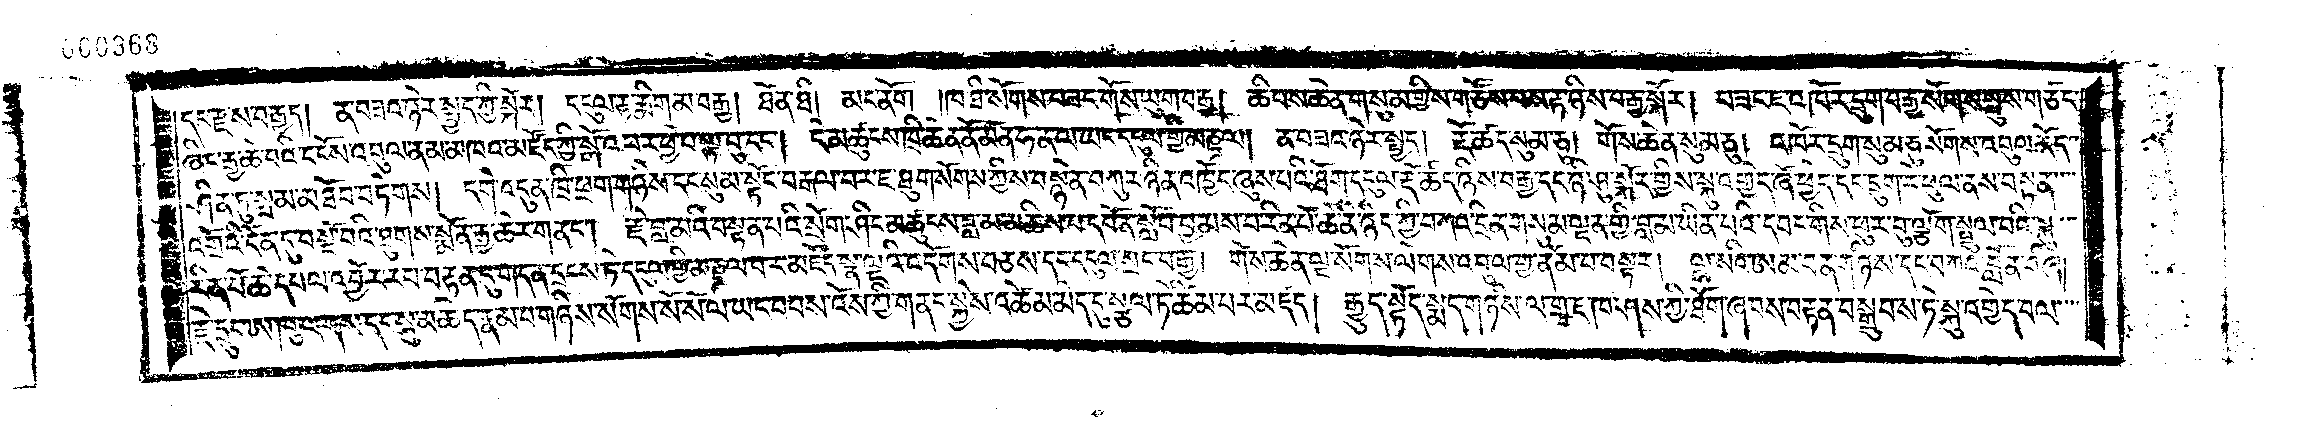དང་རྫས་བརྒྱད། ན་བཟའ་ཉེར་སྤྱད་ཀྱི་སྐོར། དངུལ་རྟ་རྨིག་མ་བརྒྱ། ཐོན་ཐི། མང་ནོག །ཁ་ཐི་སོགས་བཟང་གོས་ཡུག་བརྒྱ། ཆིབས་ཆེན་གསུམ་གྱིས་གཙོས་པས་རྟ་ཉིས་བརྒྱ་སྐོར། བཟང་ཇ་འཁོར་དྲུག་བརྒྱ་སོགས་སྦུས་གཙང་
ཞིང་རྒྱ་ཆེ་བའི་དངོས་འབུལ་ནམ་མཁའ་མཛོད་ཀྱི་སྒོ་འཕར་ཕྱེ་བ་ལྟ་བུ་དང་། དེ་མཚུངས་ཁྲི་ཆེན་ནོ་མོན་ཧན་ལ་ཡང་དངུལ་གྱི་མཎྜལ། ན་བཟའ་ཉེར་སྤྱད། རྡོ་ཚད་སུམ་ཅུ། གོས་ཆེན་སུམ་ཅུ། འཁོར་དྲུག་སུམ་ཅུ་སོགས་འབུལ་ནོད་
ཤིན་ཏུ་སྤམ་མཐོ་བ་བཏེགས། དགེ་འདུན་ཁྲི་ཕྲག་གཉིས་དང་སུམ་སྟོང་བརྒལ་བར་ཇ་ཐུག་སོགས་ཀྱིས་བསྙེན་བཀུར་ཉིན་འཁྱོད་ཞུས་པའི་ཐོག་དངུལ་རྡོ་ཚད་ཉིས་བརྒྱ་དང་ཉི་ཤུ་སྐོར་གྱིས་སྐུ་འགྱེད་ཞོ་ཕྱེད་དང་དྲུག་རེ་ཕུལ་ནས་བསྟན་
འགྲོའི་དོན་དུ་བསྔོ་པའི་ཐུགས་སྨོན་རྒྱ་ཆེར་གནང་། རྗེ་བླ་མའི་བསྟན་པའི་སྲོག་ཤིང་མཚུངས་ཟླ་མ་མཆིས་པ་དཔོན་སློབ་བྱམས་པ་རིན་པོ་ཆེ་ནི་ཉིད་ཀྱི་བཀའ་དྲིན་གསུམ་ལྡན་གྱི་བླ་མ་ཡིན་པའི་དབང་གིས་ཕུར་བུ་ལྕོག་སྤྲུལ་པའི་སྐུ་
རིན་པོ་ཆེ་དཔལ་འབྱོར་རབ་བརྟན་དུ་གདན་དྲངས་ཏེ་དངུལ་གྱི་མཎྜལ་བར་མཛོད་སྣ་ལྔའི་འདོགས་བཅས་དང་དངུལ་སྲང་བརྒྱ། གོས་ཆེན་ལྔ་སོགས་ལེགས་འབུལ་གྱ་ནོམ་པ་བསྟར། ལྷ་སའི་ཨམ་བན་གཉིས་དང་བཀའ་བློན་བཞི།
རྗེ་དྲུང་ཨ་ཁུ་ལགས་དང་སྐུ་མཆེད་རྣམ་པ་གཉིས་སོགས་སོ་སོ་ལ་ཡང་བབས་འོས་ཀྱི་གནང་སྐྱེས་འཚེམ་མེད་དུ་སྩལ་ཏེ་ཚིམ་པར་མཛད། རྒྱུད་སྟོད་སྨད་གཉིས་ལ་གྲྭ་ཇ་ཁ་ཤས་ཀྱི་ཐོག་ཞབས་བརྟན་བསྒྲུབས་ཏེ་སྐུ་འགྱེད་བལ་